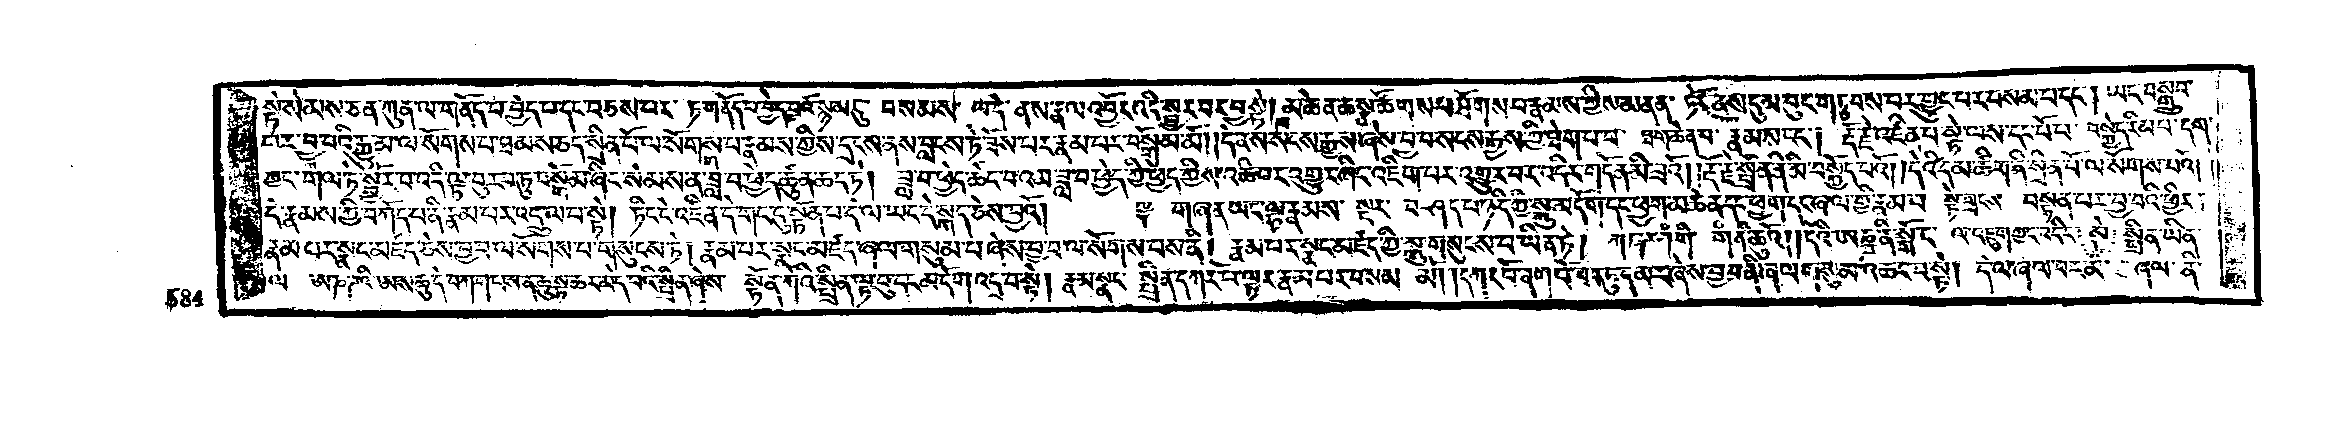སྟེ་སེམས་ཅན་ཀུན་ལ་གནོད་པ་བྱེད་པ་དང་བཅས་པར་ཏ་གནོད་པ་བྱེད་པའོ་སྙམ་དུ་བསམས་ལ་དེ་ནས་རྣལ་འབྱོར་འདི་སྦྱར་བར་བྱ་སྟེ། མཚེན་ཆ་སྣ་ཚོགས་པ་ཐོགས་པ་རྣམས་ཀྱིས་མནན་ཏེ་ནས་དུམ་བུར་གཏུབས་པར་གྱུར་པར་བསམ་པ་དང་། ཡང་བསྒྲུབ་
པར་བྱ་བའི་རྒྱུ་མ་ལ་སོགས་པ་ཐམས་ཅད་སྲིན་པོ་ལ་སོགས་པ་རྣམས་ཀྱིས་དྲངས་ནས་བླངས་ཏེ་ཟོས་པར་རྣམ་པར་བསྒོམ་མོ། །དེ་ནས་ཁ་སངས་རྒྱས་ཞེས་བྱ་བ་སངས་རྒྱས་ཀྱི་ཐེག་པ་པ་ཐེག་ཆེན་པ་རྣམས་དང་། རྡོ་རྗེ་འཛིན་པ་སྟེ་ལས་དང་པོ་པ་བསྐྱེད་རིམ་པ་དག་
ཀྱང་གལ་ཏེ་སྦྱོར་བ་འདི་ལྟ་བུ་རབ་ཏུ་བསྒོམ་ཞིང་སེམས་ན་ཟླ་བ་ཕྱེད་ཚུན་ཆད་ཏེ། ཟླ་བ་ཕྱེད་ཚང་བ་འམ་ཟླ་བ་ཕྱེད་ཀྱི་ཕྱེད་ཀྱིས་འཆི་བར་འགྱུར་ཞིང་འཇིག་པར་འགྱུར་བར་འདིར་གདོན་མི་ཟའོ། །རྡོ་རྗེ་སྤྲིན་ནི་མི་བསྐྱོད་པའོ། །དེའི་དམ་ཚིག་ནི་སྲིན་པོ་ལ་སོཨེགས་པའོ། །
དེ་རྣམས་ཀྱི་བཀོད་པ་ནི་རྣམ་པར་འཕྲུལ་པ་སྟེ། ཏིང་ངེ་འཛིན་དེ་གང་དུ་སྟོན་པ་དེ་ལ་ཡང་དེ་སྐད་ཅེས་བྱའོ། ༈ གཞན་ཡང་ལྷ་རྣམས་སྔར་བཤད་པ་ཉིད་ཀྱི་སྐུ་མདོག་དང་ཕྱག་མཚན་དང་ཕྱག་དང་ཞལ་གྱི་རྣམ་པ་སྟེ་གྲངས་བསྟན་པར་བྱ་བའི་ཕྱིར།
རྣམ་པར་སྣང་མཛད་ཅེས་བྱ་བ་ལ་སོགས་པ་གསུངས་ཏེ། རྣམ་པར་སྣང་མཛད་ཞལ་གསུམ་པ་ཞེས་བྱ་བ་ལ་སོགས་པས་ནི། རྣམ་པར་སྣང་མཛད་ཀྱི་སྐུ་གསུངས་པ་ཡིན་ཏེ། ཀཎ་ཌ་ཀཾ་གི་ཀཾ་ནི་ཆུའོ། །དེའི་ཨཎྜ་ནི་སྒོ་ང་ལ་འཇུག་ཀྱང་འདིར་སྟེ་སྤྲིན་ཡིན་
ལ་ཨཎ་ཌའི་ཨ་ས་ཆུ་དེ་བཀག་པས་ན་ཆུ་སྟ་ཆར་མེད་པའི་སྤྲིན་ཞེས་སྟོན་ཀའི་སྤྲིན་ལྟ་བུ་དང་མདོག་འདྲ་བ་སྟེ། རྣམ་སྣང་སྤྲིན་དཀར་པོ་ལྟར་རྣམ་པར་བསམ་མོ། །དཀར་པོ་ནག་པོ་རབ་ཏུ་དམར་ཞེས་བྱ་བ་ནི་ཞལ་གསུམ་འཆང་བ་སྟེ། དེ་ལ་ཞལ་བར་མ་བུ་?་ཞལ་ནི་